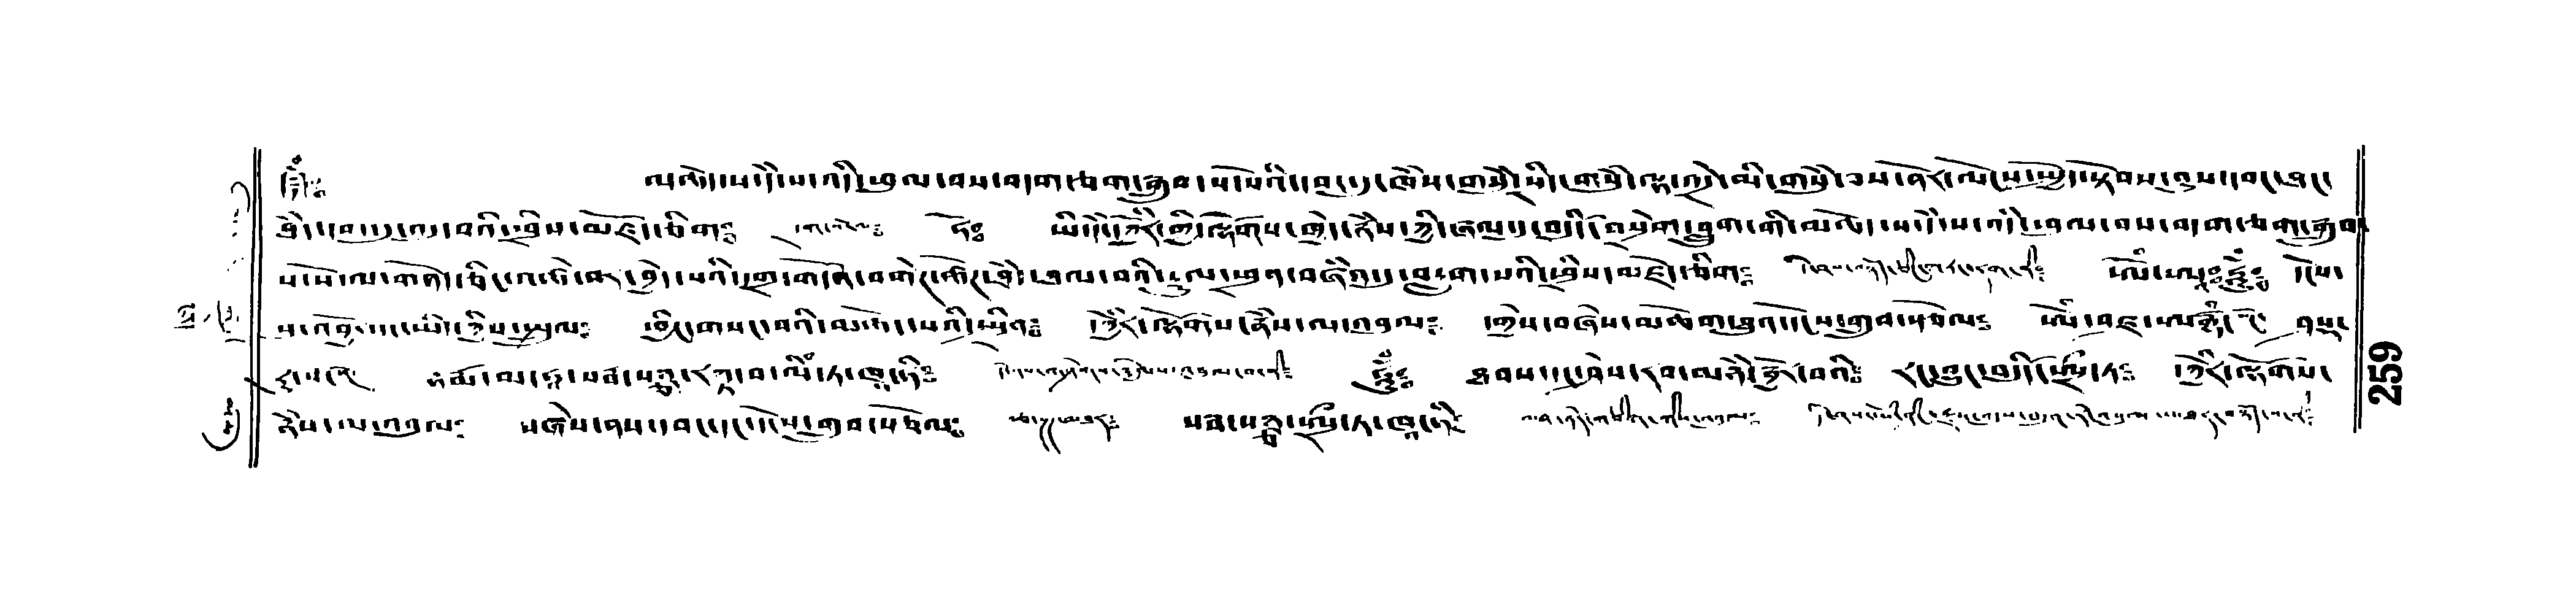མཆོད་པ་དམ་པ་འདི་ཕུལ་བས་བདག་ཅག་སྒྲུབ་པ་པོའི་དབང་དུ་ཁམས་གསུམ་སྲིད་གསུམ་ལྷ་འདྲེ་མི་གསུམ་ཟས་ནོར་ལོངས་སྤྱོད་སྟོབས་ནུས་དབང་ཐང་
ཐམས་ཅད་དབང་དུ་འདུ་བའི་ཕྲིན་ལས་མཛོད་ཅིག༔དྲག་པོ་ལ༔ ཧོཿ ཡི་དམ་དཀྱིལ་འཁོར་གྱི་ལྷ་ཚོགས་ཁྱེད་རྣམས་ཀྱི་ཞལ་དུ་བདུད་རྩི་སྲེག་བླུག་གི་མཆོད་པ་དམ་པ་འདི་ཕུལ་བས་བདག་ཅག་སྒྲུབ་
པ་པོ་ལ་གནོད་ཅིང་འཚེ་བར་བྱེད་པའི་དགྲ་གདོན་བགེགས་ཚོགས་ཐམས་ཅད་ཐལ་བའི་རྡུལ་ཕྲན་བཞིན་དུ་བརླག་པའི་ཕྲིན་ལས་མཛོད་ཅིག༔ དེ་ནས་བསྟོད་ཅིང་གཏང་རག་ནི༔ ཨོཾ་ཨཱཿཧཱུྃ༔ དངོས་
སུ་འབྱོར་དང་ཡིད་ཀྱིས་སྤྲུལ༔ ཕྱི་ནང་གསང་བའི་མཆོད་པའི་སྤྲིན༔ དཀྱིལ་འཁོར་ལྷ་ཚོགས་རྣམས་ལ་འབུལ༔ དགྱེས་བཞེས་མཆོག་ཐུན་དངོས་གྲུབ་སྩོལ༔ ཨོཾ་བཛྲ་ཨརྒྷཾ་སོགས༔ ཤཔྡ་
རུ་པ་སོགས༔ དྷརྨ་མ་ཧཱ་སརྦ་པཉྩ་རཀྟ་བ་ལིཾ་ཏ་ཁཱ་ཧི༔ དེ་ནས་གཤེགས་སྐྱེམས་འབུལ་བ་ནི༔ ཧཱུྃ༔ ཐབས་དང་ཤེས་རབ་མཉམ་སྦྱོར་བའི༔ རང་བྱུང་བདུད་རྩི་ཨ་མྲི་ཏ༔ དཀྱིལ་འཁོར་ལྷ་ཚོགས་
རྣམས་ལ་འབུལ༔ བཞེས་ནས་དབང་དང་དངོས་གྲུབ་སྩོལ༔ རྩ་སྔགས་མཐར༔ སརྦ་པཉྩ་ཨ་མྲྀ་ཏ་ཁཱ་ཧི༔ ལན་ཉེར་གཅིག་གིས་འབུལ༔ དེ་ནས་ཡམ་ཤིང་རྫས་འདུས་བདུན་རེ་འབུལ་མཐར་བསྟོད་པ་ནི༔